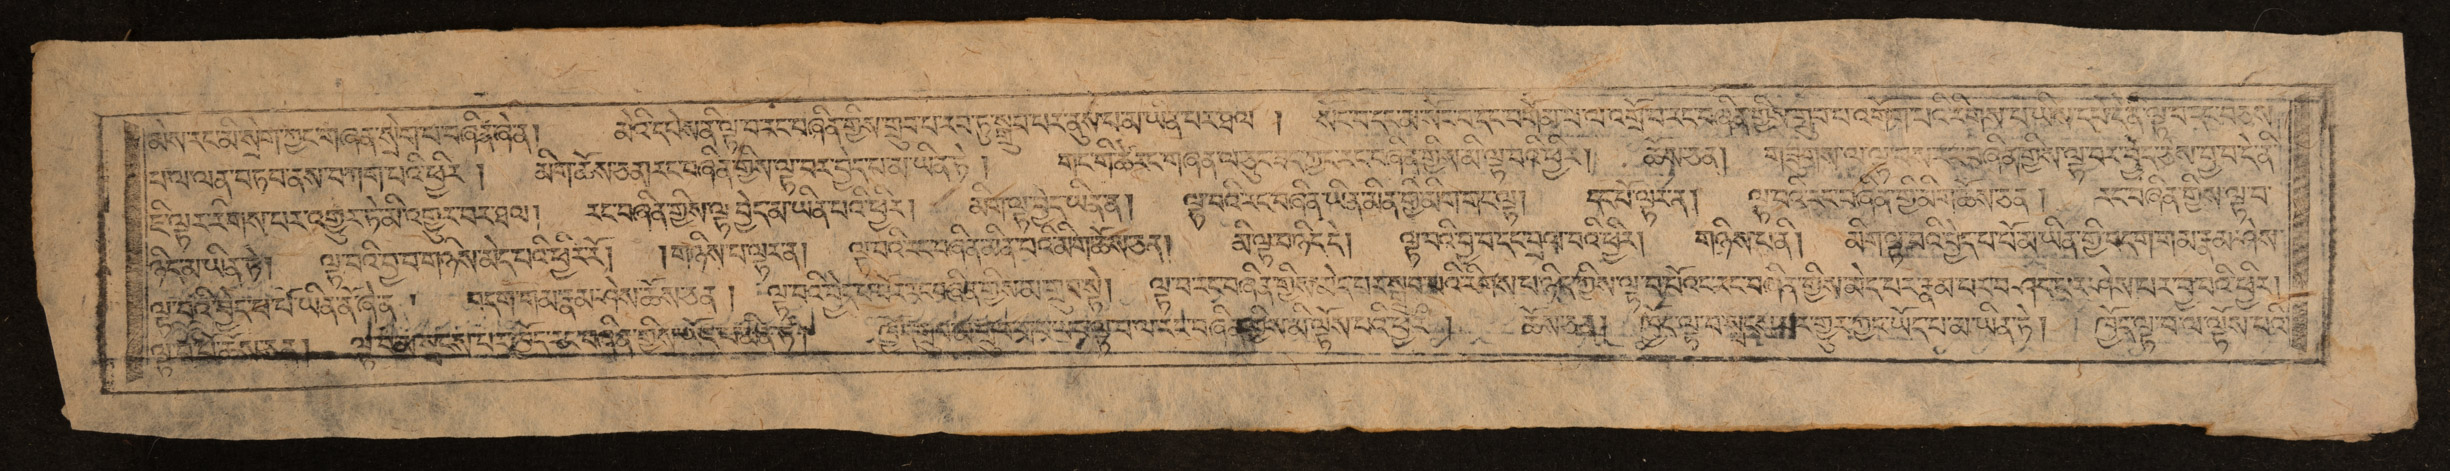མེས་རང་མི་སྲེག་ཀྱང་གཞན་སྲེག་པ་བཞིན་ཞེ་ན། མེའི་དཔེས་ནི་ལྟ་བ་རང་བཞིན་གྱིས་གྲུབ་པ་རབ་ཏུ་སྒྲུབ་པར་ནུས་པ་མ་ཡིན་པར་ཐལ། སོང་བ་དང་མ་སོང་བ་དང་བགོམ་པ་ལ་འགྲོ་བ་རང་བཞིན་གྱིས་གྲུབ་པ་འགོག་པའི་རིགས་པ་ཡིས་དཔེ་དེ་ནི་ལྟ་བ་དང་བཅས་
པ་ལ་ལན་བཏབ་ནས་བཀག་པའི་ཕྱིར། མིག་ཆོས་ཅན། རང་བཞིན་གྱིས་ལྟ་བར་བྱེད་པ་མ་ཡིན་ཏེ། གང་གི་ཚེ་རང་གཞན་ལ་ཅུང་ཟད་ཀྱང་རང་བཞིན་གྱིས་མི་ལྟ་བའི་ཕྱིར། ཆོས་ཅན། གཟུགས་ལ་ལྟ་བས་རང་བཞིན་གྱིས་ལྟ་བར་བྱེད་ཅེས་བྱ་བ་དེ་ནི་
ཇི་ལྟར་རིགས་པར་འགྱུར་ཏེ་མི་འགྱུར་བར་ཐལ། རང་བཞིན་གྱིས་ལྟ་བྱེད་མ་ཡིན་པའི་ཕྱིར། མིག་ལྟ་བྱེད་ཡིན་ན། ལྟ་བའི་རང་བཞིན་ཡིན་མིན་གྱི་མིག་གང་ལྟ། དང་པོ་ལྟར་ན། ལྟ་བའི་རང་བཞིན་གྱི་མིག་ཆོས་ཅན། རང་བཞིན་གྱིས་ལྟ་བ་
ཉིད་མ་ཡིན་ཏེ། ལྟ་བའི་བྱ་བ་གཉིས་མེད་པའི་ཕྱིར་རོ། །གཉིས་པ་ལྟར་ན། ལྟ་བའི་རང་བཞིན་མིན་པའི་མིག་ཆོས་ཅན། མི་ལྟ་བ་ཉིད་དེ། ལྟ་བའི་བྱ་བ་དང་བྲལ་བའི་ཕྱིར། གཉིས་པ་ནི། མིག་ལྟ་བའི་བྱེད་པ་པོ་མ་ཡིན་གྱི་བདག་གམ་རྣམ་ཤེས་
ལྟ་བའི་བྱེད་པ་པོ་ཡིན་ནོ་ཞེ་ན། བདག་གམ་རྣམ་ཤེས་ཆོས་ཅན། ལྟ་བའི་བྱེད་པ་པོར་རང་བཞིན་གྱིས་མ་གྲུབ་སྟེ། ལྟ་བ་རང་བཞིན་གྱིས་མེད་པར་སྒྲུབ་པའི་རིགས་པ་ཉིད་ཀྱིས་ལྟ་བ་པོ་འང་རང་བཞིན་གྱིས་མེད་པར་རྣམ་པར་བཤད་པར་ཤེས་པར་བྱ་བའི་ཕྱིར།
ལྟ་བ་པོ་ཆོས་ཅན། ལྟ་བ་མ་སྤངས་པར་ཁྱོད་རང་བཞིན་གྱིས་ཡོད་པ་མིན་ཏེ། ཁྱོད་གྲུབ་མ་གྲུབ་གང་ཡང་ལྟ་བ་ལ་རང་བཞིན་གྱིས་མི་ལྟོས་པའི་ཕྱྀར། ཆོས་ཅན། ཁྱོར་ལྟ་བ་སྤངས་པར་གྱུར་ཀྱང་ཡོད་པ་མ་ཡིན་ཏེ། ཁྱོད་ལྟ་བ་ལ་ལྟོས་པའི་